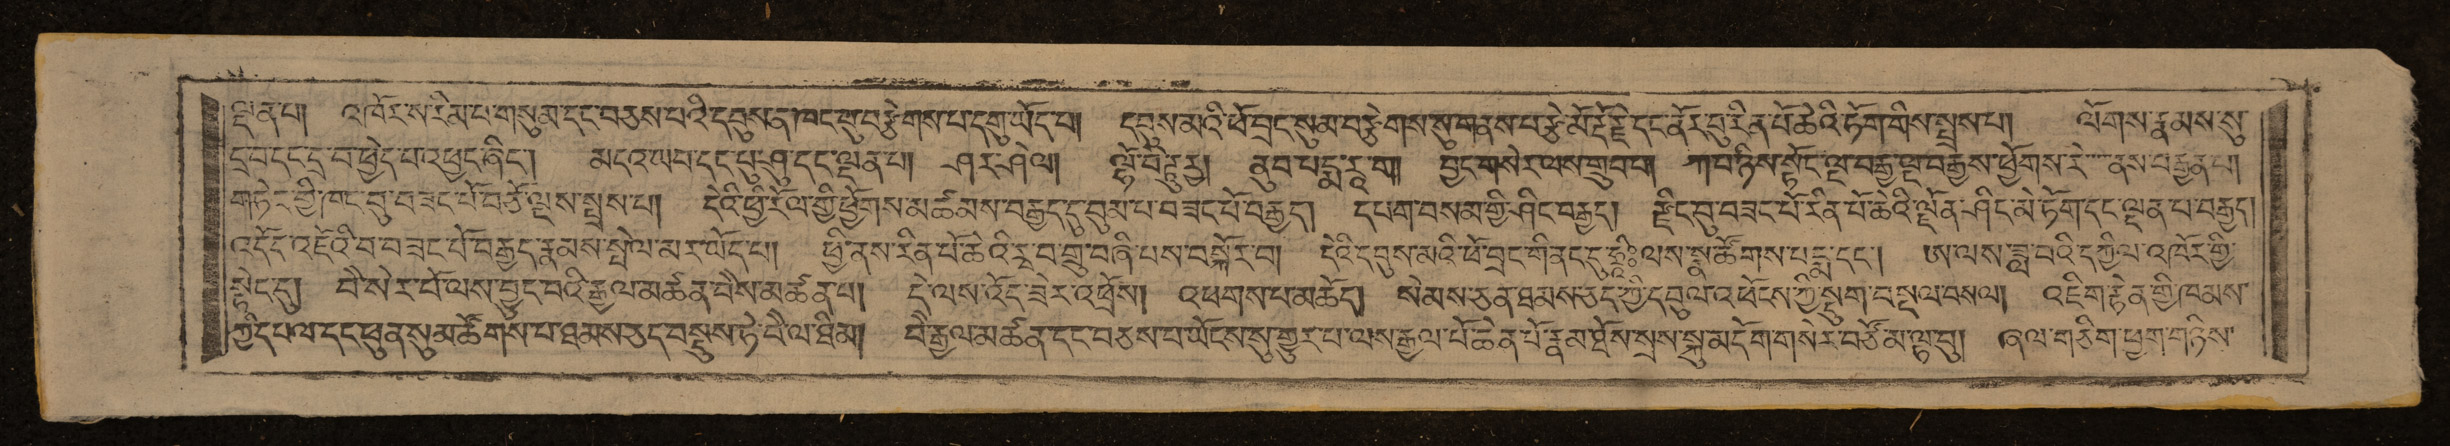ལྡན་པ། འཁོར་ས་རིམ་པ་གསུམ་དང་བཅས་པའི་དབུས་ན་ཁང་ཕུ་བརྩེགས་པ་དགུ་ཡོད་པ། དབུས་མའི་ཕོ་བྲང་སུམ་བརྩེགས་སུ་གནས་པ་རྩེ་མོ་རྡོ་རྗེ་དང་ནོར་བུ་རིན་པོ་ཆེའི་ཏོག་གིས་སྤྲས་པ། ལོགས་རྣམས་སུ་
དྲ་བ་དང་དྲ་བ་ཕྱེད་པ་འཕྱང་ཞིང་། མངའ་ཡབ་དང་པུ་ཤུ་དང་ལྡན་པ། ཤར་ཤེལ། ལྷོ་བཻཌཱུརྱ། ནུབ་པདམ་རཱ་ག། བྱང་གསེར་ལས་གྲུབ་པ། ཀ་བ་ཉིས་སྟོང་ལྔ་བརྒྱ་ལྔ་བརྒྱས་ཕྱོགས་རེ་ནས་བརྒྱན་པ།
གཏེར་གྱི་ཁང་བུ་བཟང་པོ་བཅོ་ལྔས་སྤྲས་པ། དེའི་ཕྱི་རོལ་གྱི་ཕྱོགས་མཚམས་བརྒྱད་དུ་བུམ་པ་བཟང་པོ་བརྒྱད། དཔག་བསམ་གྱི་ཤིང་བརྒྱད། རྫིང་བུ་བཟང་པོ་རིན་པོ་ཆེའི་ལྗོན་ཤིང་མེ་ཏོག་དང་ལྡན་པ་བརྒྱད།
འདོད་འཇོའི་བ་བཟང་པོ་བརྒྱད་རྣམས་སྤེལ་མར་ཡོད་པ། ཕྱི་ནས་རིན་པོ་ཆེའི་རྭ་བ་གྲུ་བཞི་པས་བསྐོར་བ། དེའི་དབུས་མའི་ཕོ་བྲང་གི་ནང་དུ་ཧྲཱིཿལས་སྣ་ཚོགས་པདམ་དང་། ཨ་ལས་ཟླ་བའི་དཀྱིལ་འཁོར་གྱི་
སྟེང་དུ། བཻ་སེར་པོ་ལས་བྱུང་བའི་རྒྱལ་མཚན་བཻས་མཚན་པ། དེ་ལས་འོད་ཟེར་འཕྲོས། འཕགས་པ་མཆོད། སེམས་ཅན་ཐམས་ཅད་ཀྱི་དབུལ་འཕོངས་ཀྱི་སྡུག་བསྔལ་བསལ། འཇིག་རྟེན་གྱི་ཁམས་
ཀྱི་དཔལ་དང་ཕུན་སུམ་ཚོགས་པ་ཐམས་ཅད་བསྡུས་ཏེ་བཻ་ལ་ཐིམ། བཻ་རྒྱལ་མཚན་དང་བཅས་པ་ཡོངས་སུ་གྱུར་པ་ལས་རྒྱལ་པོ་ཆེན་པོ་རྣམ་ཐོས་སྲས་སྐུ་མདོག་གསེར་བཙོམ་ལྟ་བུ། ཞལ་གཅིག་ཕྱག་གཉིས་